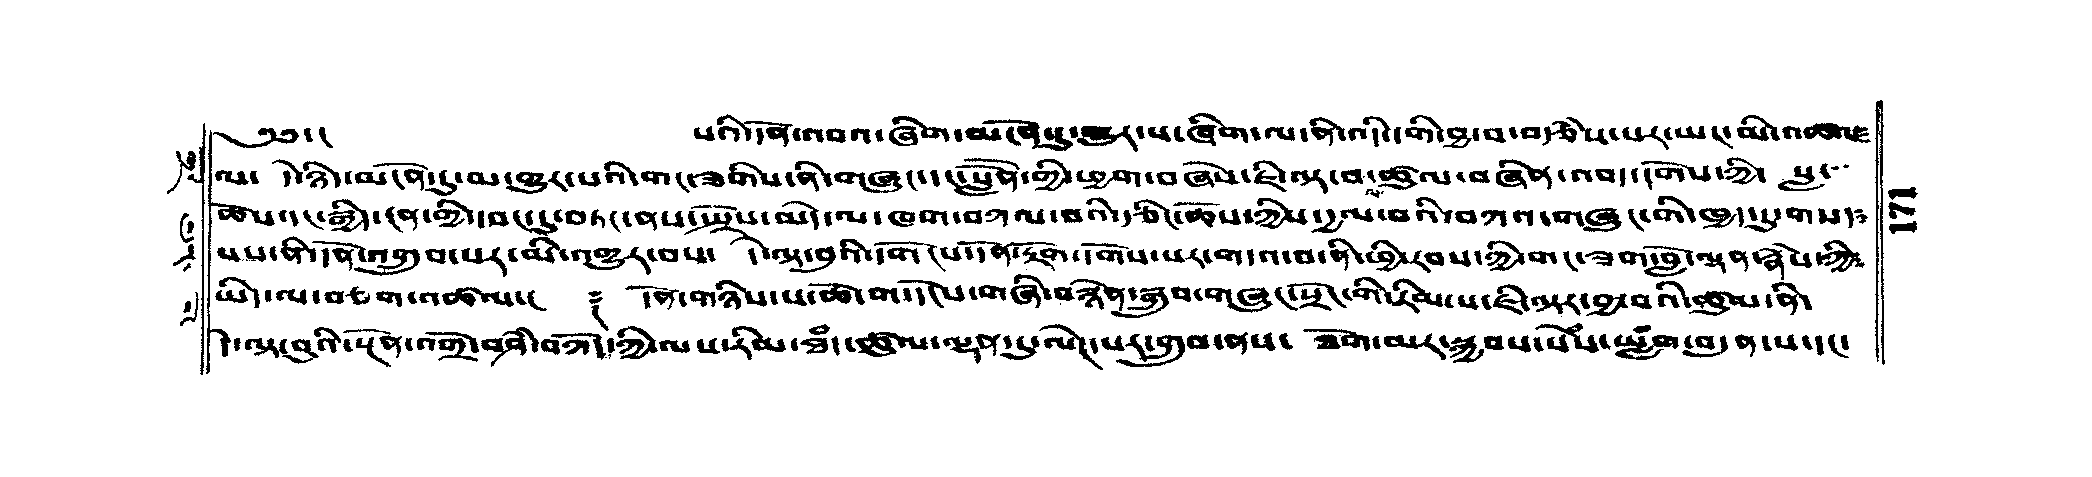པའི་དོན་འབའ་ཞིག་མངོན་དུ་གྱུར་པ་ཞིག་ལ་ནི་འདི་དག་གི་བྱ་བ་བརྩམས་པར་ཡང་མི་འཚལ་
ལ། དེ་ལྟ་བུ་མངོན་དུ་མ་གྱུར་བའི་གང་ཟག་གིས་ནི་གཞུང་དང་སློབ་དཔོན་གྱི་ཕྱག་བཞེས་ཇི་ལྟ་བ་ལ་ཚུལ་བཞིན་འབད་དགོས་ཀྱི། སླ་
ཆོས་དག་སྒྱིད་ངན་གྱི་དབང་དུ་བཏང་ནས་སྤྲོས་མེད་ལ་ཁག་བཀལ་བའི་བརྩིང་ཆོས་ཀྱིས་རྒྱལ་བའི་བཀའ་གཞུང་གི་ཁྱད་དུ་གསད་
པས་ནི་དོན་འགྲུབ་པར་མི་འགྱུར་བས།དེ་ལྟ་བུ་དགོངས་དོན་རྟོགས་དགོས་པར་གདའ་བ་ནི་ཕྱི་རབས་ཀྱི་གང་ཟག་བློ་ལྡན་རྣམས་ཀྱི་
ཡིད་ལ་བཅག་འཚལ། ༈ དོན་གཉིས་པ་ཆོ་ག་དངོས་གཞི་བསྙེན་སྒྲུབ་གཞུང་སྲོང་གི་རིམ་པ་ཇི་ལྟར་བྱ་བའི་ཚུལ་ནི། 
དེ་ལྟ་བུའི་སྔོན་འགྲོ་བཤམས་བཀོད་ཀྱི་ལས་རིམ་ཐམས་ཅད་ཚུལ་ལྡན་དུ་ལེགས་པར་གྲུབ་ནས། ཐོག་མར་སྐྱབས་སེམས་ཡན་ལག་བདུན་པ་དང་།